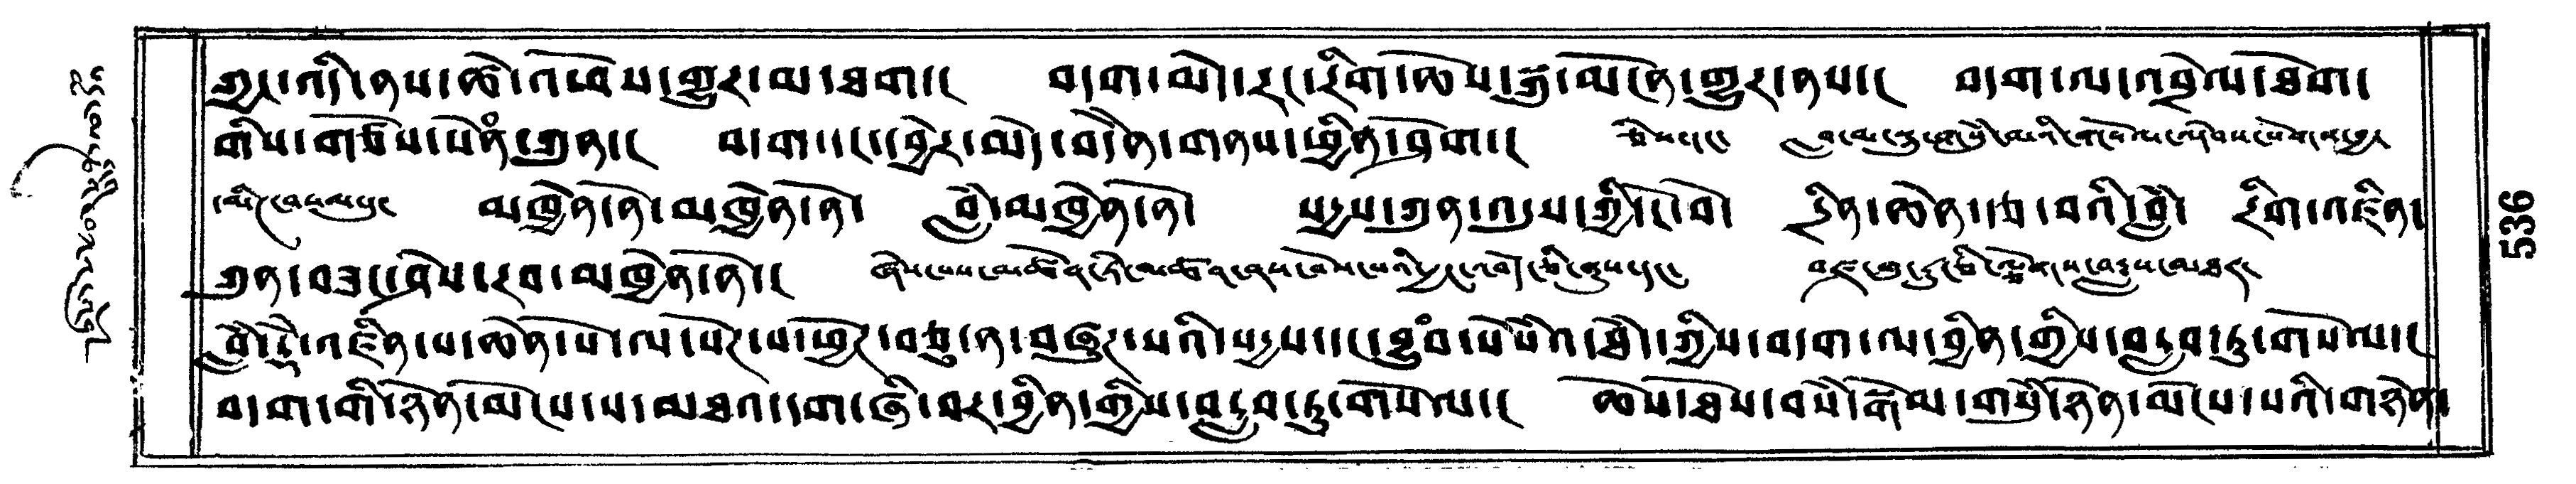ཀྱང་འདི་ནས་ཚེ་འཕོས་གྱུར་མ་ཐག །བདག་མེད་རང་རིག་ཆོས་སྐུ་མངོན་གྱུར་ནས། །བདག་ལ་འབྲེལ་ཐོགས་
ཀྱིས་གཙོས་སེམས་ཅན་ཀུན། །བདག་དང་དབྱེར་མེད་བདེ་ཆེན་གནས་ཕྱིན་ཤོག ཅེས་དང་། བླ་མ་སྐུ་གསུམ་མའི་གསོལ་འདེབས་སོགས་བྱ། 
དམིགས་བསལ་དུ། མཁྱེན་ནོ་མཁྱེན་ནོ། །སངས་རྒྱས་ཀུན་འདུས་ཀྱི་ངོ་བོ། །དྲིན་ཆེན་རྩ་བའི་བླ་མ། རིག་འཛིན་
ཀུན་བཟང་ཤེས་རབ་མཁྱེན་ནོ། ཞེས་པས་མཚོན་ཏེ་མཚན་ནས་བོས་པའི་རྒྱང་འབོད་ཅི་ནུས་དང་། བཛྲ་གུ་རུ༴ ཅི་ལྕོགས་བཟླས་མཐར། 
བླ་མ་རྡོ་རྗེ་འཛིན་པ་ཆེན་པོ་ལ་སོགས་པ་ཕྱོགས་བཅུ་ན་བཞུགས་པའི་སངས་རྒྱས་དང་བྱང་ཆུབ་སེམས་དཔའ་ཐམས་ཅད་ཀྱིས་བདག་ལ་བྱིན་གྱིས་བརླབ་ཏུ་གསོལ། 
བདག་གི་ཉོན་མོངས་པ་མཐའ་དག་ཞི་བར་བྱིན་གྱིས་བརླབ་ཏུ་གསོལ། ཆོས་ཐོས་བསམ་སྒོམ་གསུམ་ཉོན་མོངས་པའི་གཉེན་